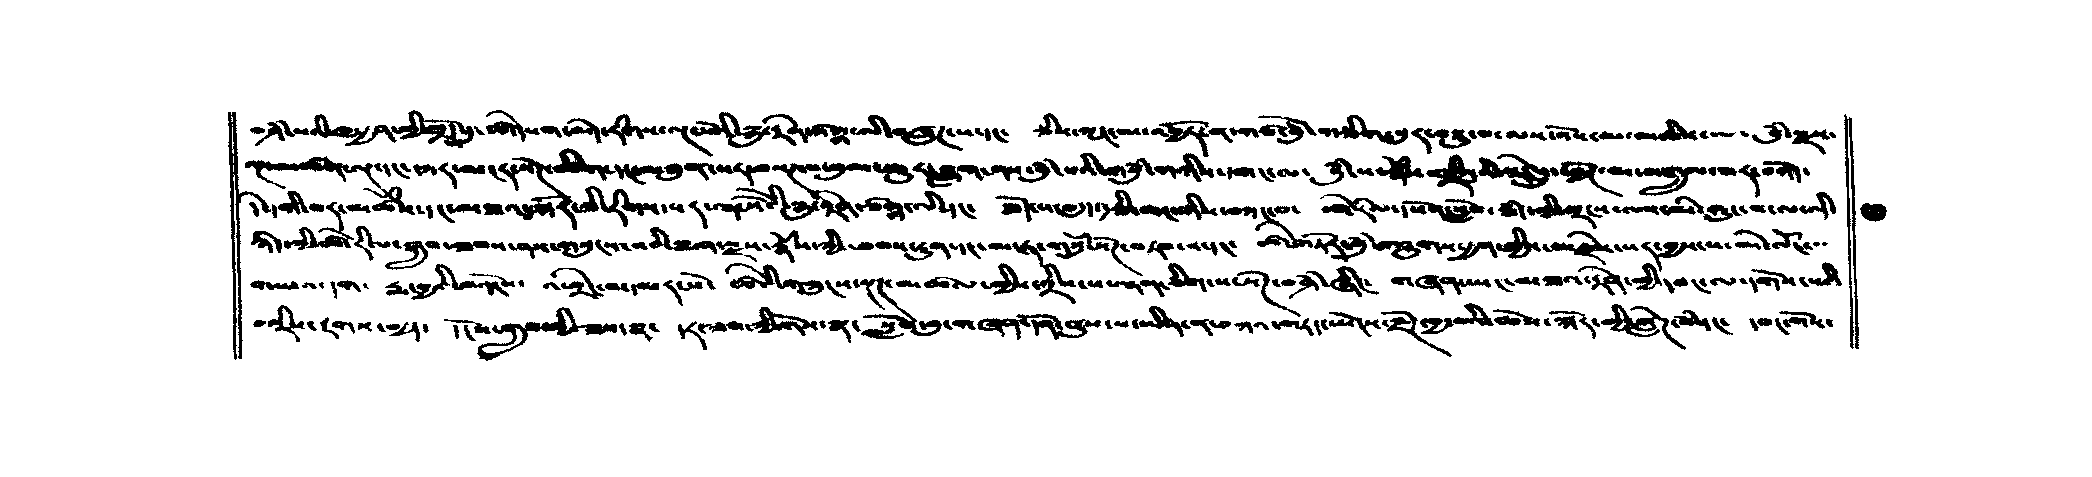བཤམ་པའི་ཁ་རྒྱན་གྱི་ཁྲོད་དུ་ཚེ་དཔག་མེད་རིགས་ལྔ་པོའི་སྐུ་རྟེན་དཀོན་མཆོག་མི་གཞུགས་པ་དང་། ཅིས་ཀྱང་མ་འབྱོར་ན་གཙོ་་་་་གཅིག་པུར་བསྡུ་བ་ལས་གོས་མ་མཆིས་ལ། བུམ་རྫས་
ལྔ་མཚན་ལྔ་དང་དཀར་མངར་སོགས་ཆིག་དང་མཐུན་པར་བསགས་པ་བུམ་ཆུར་བླག་ནས་བུམ་པའི་གསུམ་གཉིས་དགང་མ། བུམ་པ་རྣམས་་་་་་་་ཕྱོགས་མ་འགྲུལ་བར་བཀོད། 
དེ་དག་གི་བར་མཚམས་དང་མཐའ་བསྐོར་མི་རིགས་པར་ལྷ་སོ་སོའི་སྐུ་རྟེན་་་་ལི་དང་། ཐོད་པ་བདུད་རྩི་ཆང་གི་བཀང་བ། ཚེ་རིལ་དཔོན་སློབ་ཐམས་ཅད་ཀྱི་གྲངས་ལས་མི་ཉུང་བ་ལ་འདི་
ཉིད་ཀྱི་ཚེ་རིལ་སྒྲུབ་ཐབས་ནས་གསུངས་པའི་སྨན་རྫས་རྣམས་ཀྱི་བབས་རྒྱུན་དང་མ་ར་གསུམ་སོགས་བཏབ་པ་དང། ཚེ་གཏོར་བུམ་གཟུགས་རྒྱན་གྱི་མཛེས་པར་བྱས་པ་མེ་ལོང་
གཡས་དག རྨ་བྱའི་མདོངས། འཕྲེང་བ་དམར་པོ། ཚེའི་གཟུངས་སྔགས་མཚལ་གྱིས་བྲིས་པ་ལྷན་ཅིག་པ་སོགས་བཤམ་ཞིང་། གཞན་ཡང་མཐའ་རྟེན་གྱི་དབང་ལ་དགོས་པའི་
བཀྲ་ཤིས་རྟགས་བརྒྱད། དངོས་གྲུབ་ཀྱི་ཟས་སྣ། དར་ཟབ་ཀྱི་གོས་སྣ། སློབ་བུ་གཞན་དོན་ནུས་པ་ཡིན་ན་བཀའ་གཏད་ཡོངས་རྫོགས་བྱ་བའི་ཆོས་སྐོར་གྱི་གླེགས་བམ་དང་། དབང་གོས་